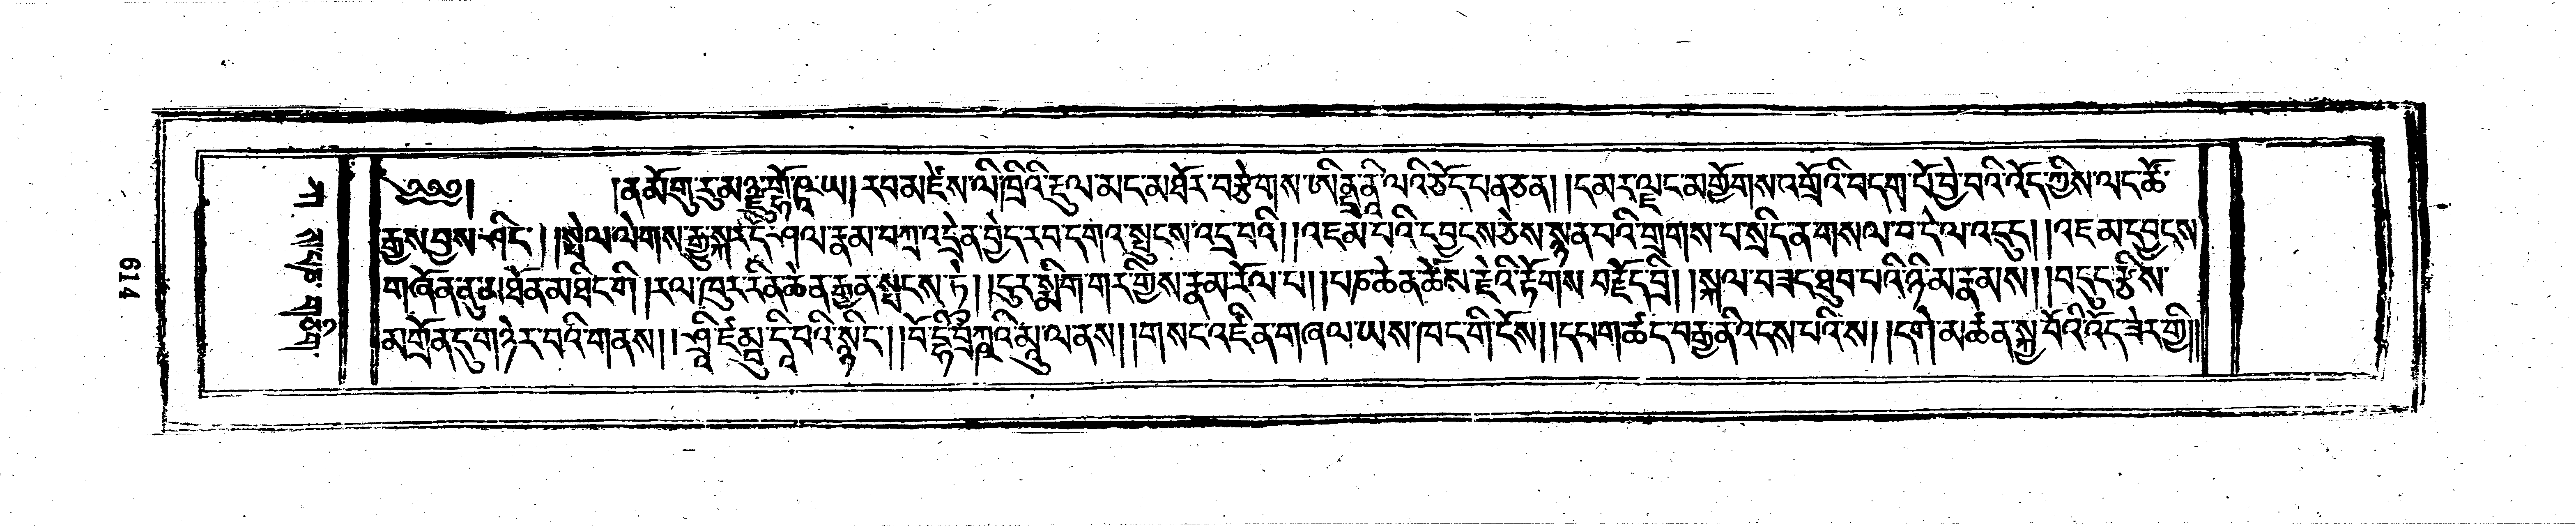༄༅། །ན་མོ་གུ་རུ་མཉྫུ་གྷོ་ཥཱ་ཡ། རབ་མཛེས་ལི་ཁྲིའི་རྡུལ་མང་མཐོར་བརྩེགས་ཨིནྡྲ་ནཱི་ལའི་ཅོད་པན་ཅན། །དམར་ལྗང་མགྱོགས་འགྲོའི་བདག་པོ་བྱེ་བའི་འོད་ཀྱིས་ལང་ཚོ་
རྒྱས་བྱས་ཤིང་། །སྤེལ་ལེགས་རྒྱུ་སྐར་དོ་ཤལ་རྣམ་བཀྲ་འདྲེན་བྱེད་རབ་དགའ་སྤུངས་འདྲ་བའི། །འཇམ་པའི་དབྱངས་ཅེས་སྙན་པའི་གྲགས་པ་སྲིད་ན་གསོལ་བ་དེ་ལ་འདུད། །འཇམ་དབྱངས་
གཞོན་ནུ་མཐོན་མཐིང་གི །རལ་ཁུར་རིན་ཆེན་རྒྱན་སྤངས་ཏེ། །ངུར་སྨིག་གར་གྱིས་རྣམ་རོལ་བ། །པཎ་ཆེན་ཆོས་རྗེའི་རྟོགས་བརྗོད་བྲི། །སྐལ་བཟང་ཐུབ་པའི་ཉི་མ་རྣམས། །བདུད་རྩིས་
མགྲོན་དུ་གཉེར་བའི་གནས། །ཤྲཱི་ཛམྦུ་དཱི་བའི་སྙིང་། །བོ་དྷ་བྲཀྵའི་མཱུ་ལ་ནས། །གསང་འཛིན་གཞལ་ཡས་ཁང་གི་ངོས། །དཔག་ཚད་བརྒྱ་ནི་འདས་པའི་ས། །དགེ་མཚན་སྐྱེ་བོའི་འོད་ཟེར་གྱི། །